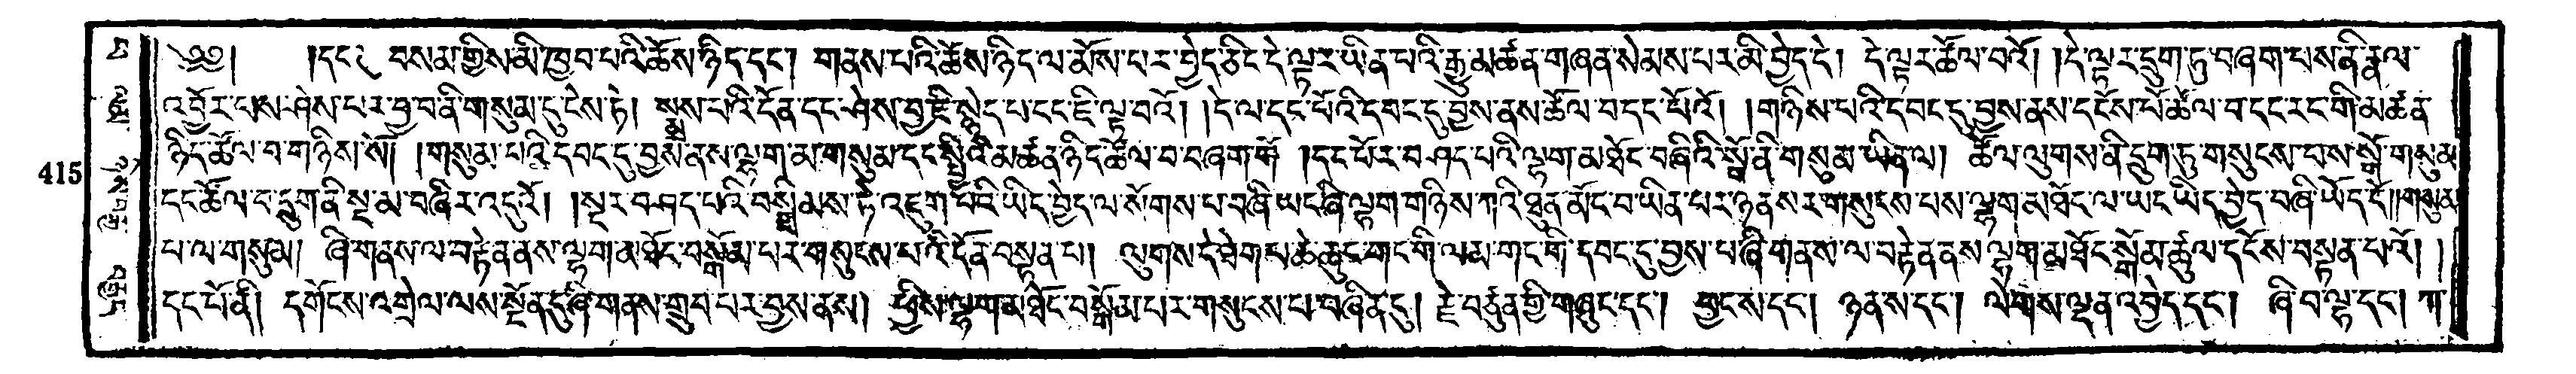༄༅། །དང༑ བསམ་གྱིས་མི་ཁྱབ་པའི་ཆོས་ཉིད་དང་། གནས་པའི་ཆོས་ཉིད་ལ་མོས་པར་བྱེད་ཅིང་དེ་ལྟར་ཡིན་པའི་རྒྱུ་མཚན་གཞན་སེམས་པར་མི་བྱེད་དེ། དེ་ལྟར་ཚོལ་བའོ། །དེ་ལྟར་དྲུག་ཏུ་བཞག་པས་ནི་རྣལ་
འབྱོར་པས་ཤེས་པར་བྱ་བ་ནི་གསུམ་དུ་ངེས་ཏེ། སྨྲས་པའི་དོན་དང་ཤེས་བྱ་ཇི་སྙེད་པ་ངང་ཇི་ལྟ་བའོ། །དེ་ལ་དང་པོའི་དབང་དུ་བྱས་ནས་ཚོལ་བ་དང་པོའོ། །གཉིས་པའི་དབང་དུ་བྱས་ནས་དངོས་པོ་ཚོལ་བ་དང་རང་གི་མཚན་
ཉིད་ཚོལ་བ་གཉིས་སོ། །གསུམ་པའི་དབང་དུ་བྱས་ནས་ལྷག་མ་གསུམ་དང་སྤྱིའི་མཚན་ཉིད་ཚོལ་བ་བཞག་གོ །དང་པོར་བཤད་པའི་ལྷག་མཐོང་བཞིའི་སྒོ་ནི་གསུམ་ཡིན་ལ། ཚོལ་ལུགས་ནི་དྲུག་ཏུ་གསུངས་པས་སྒོ་གསུམ་
དང་ཚོལ་བ་དྲུག་ནི་སྔ་མ་བཞིར་འདུའོ། །སྔར་བཤད་པའི་བསྒྲིམས་ཏེ་འཇུག་པའི་ཡིད་བྱེད་ལ་སོགས་པ་བཞི་ཡང་ཞི་ལྷག་གཉིས་ཀའི་ཐུན་མོང་བ་ཡིན་པར་ཉན་སར་གསུངས་པས་ལྷག་མཐོང་ལ་ཡང་ཡིད་བྱེད་བཞི་ཡོད་དོ། །གསུམ་
པ་ལ་གསུམ། ཞི་གནས་ལ་བརྟེན་ནས་ལྷག་མཐོང་བསྒོམ་པར་གསུངས་པའི་དོན་བསྟན་པ། ལུགས་དེ་ཐེག་པ་ཆེ་ཆུང་གང་གི་ལམ་གང་གི་དབང་དུ་བྱས་པ་ཞི་གནས་ལ་བརྟེན་ནས་ལྷག་མཐོང་སྒོམ་ཚུལ་དངོས་བསྟན་པའོ། །
དང་པོ་ནི། དགོངས་འགྲེལ་ལས་སྔོན་དུ་ཞི་གནས་གྲུབ་པར་བྱས་ནས། ཕྱིས་ལྷག་མཐོང་བསྒོམ་པར་གསུངས་པ་བཞིན་དུ། རྗེ་བཙུན་གྱི་གཞུང་དང་། བྱངས་དང་། ཉན་ས་དང་། ལེགས་ལྡན་འབྱེད་དང་། ཞི་བ་ལྷ་དང་། ཀ་